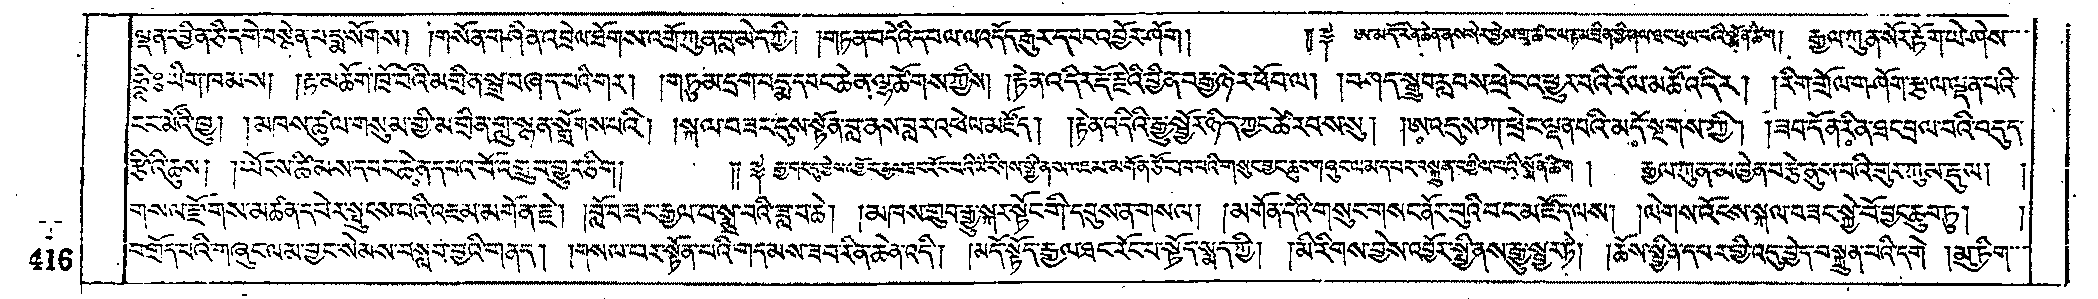ལྡན་དབྱིན་ཅི་དགེ་བསྙེན་པདམ་སོགས། །གསོན་གཤིན་འབྲེལ་ཐོགས་འགྲོ་ཀུན་བླ་མེད་ཀྱི། །གཏན་བདེའི་དཔལ་ལ་འདོད་རྒྱུར་དབང་འབྱོར་ཤོག། །། འ་ཨ་མདོ་རིན་ཆེན་ནས་སེར་བྱེས་གྲྭ་ཚང་ལ་རྟ་མགྲིན་གྱི་ཞལ་ཐང་ཕུལ་བའི་སྨོན་ཚིག།  རྒྱལ་ཀུན་སོར་རྟོག་ཡེ་ཤེས་་་
ཧྲཱིཿཡིག་ཁམས། །རྟ་མཆོག་ཁྲོ་བོའི་མགྲིན་སྒྲ་བཞད་པའི་གར། །གཏུམ་དྲག་པདམ་དབང་ཆེན་ལྷ་ཚོགས་ཀྱིས། །རྟེན་འདིར་རྡོ་རྗེའི་བྱིན་བརྒྱ་ཉེར་ཕོབ་ལ། །བཤད་སྒྲུབ་རླབས་ཕྲེང་འཕྱུར་བའི་རོལ་མཚོ་འདིར། །རིག་གྲོལ་གཤོག་རྩལ་ལྡན་པའི་
ངང་མོའི་ཁྱུ། །མཁས་ཚུལ་གསུམ་གྱི་མགྲིན་གླུ་སྙན་སྒྲོགས་པའི། །སྐལ་བཟང་དུས་སྟོན་བླ་ནས་བླར་འཕེལ་མཛོད། །རྟེན་འདིའི་རྒྱུ་སྦྱོར་ཉིད་ཀྱང་ཚེ་རབས་སུ། །ཨ྾་འདུས་ཀ་ཕྲེང་ལྡན་པའི་དམོ྾་སྔགས་ཀྱི། །ཟབ་དོན་རིན྾་ཐང་བྲལ་བའི་བདུད་རྩིའི་ཆུས། །ཡོངས་ཚིམས་དབང་ཆེན྾་དཔའ་བོ་འགྲུབ་གྱུར་ཅིག ། །། འ་རྒྱ་གར་དུ་བྱེས་འབྱོར་རྒྱལ་ཐང་རོང་པའི་མི་རིགས་སྤྱི་ནས་འཇམ་མགོན་ཙོང་ཁ་པའི་གསུང་བྱང་ཆུབ་གཞུང་ལམ་དཔར་བསྐྲུན་བགྱིས་པའི་སྨོན་ཚིག །  རྒྱལ་ཀུན་མཁྱེན་བརྩེ་ནུས་པའི་གུར་ཀུམ་རྡུལ། །
གསལ་རྫོགས་མཚན་དཔེར་སྤུངས་པའི་འཇམ་མགོན་རྗེ། །བློ་བཟང་རྒྱལ་བ་སྨྲ་བའི་ཟླ་བ་ཆེ། །མཁས་གྲུབ་རྒྱུ་སྐར་སྟོང་གི་དབུས་ན་གསལ། །མགོན་དེའི་གསུང་གསང་ནོར་བུའི་བང་མཛོད་ལས། །ལེགས་འོངས་སྐལ་བཟང་སྐྱེ་བོ་བྱང་ཆུབ་ཏུ། །
བགྲོད་པའི་གཞུང་ལམ་བྱང་སེམས་བསླབ་བྱའི་གནད། །གསལ་བར་སྟོན་པའི་གདམས་ཟབ་རིན་ཆེན་འདི། །མདོ་སྟོད་རྒྱལ་ཐང་རོང་པ་སྟོད་སྨད་ཀྱི། །མི་རིགས་བྱེས་འབྱོར་སྤྱི་ནས་རྒྱུ་སྦྱར་ཏེ། །ཆོས་སྦྱིན་དཔར་གྱི་འདུ་བྱེད་བསྐྲུན་པའི་དགེ །མུ་ཏིག་་་